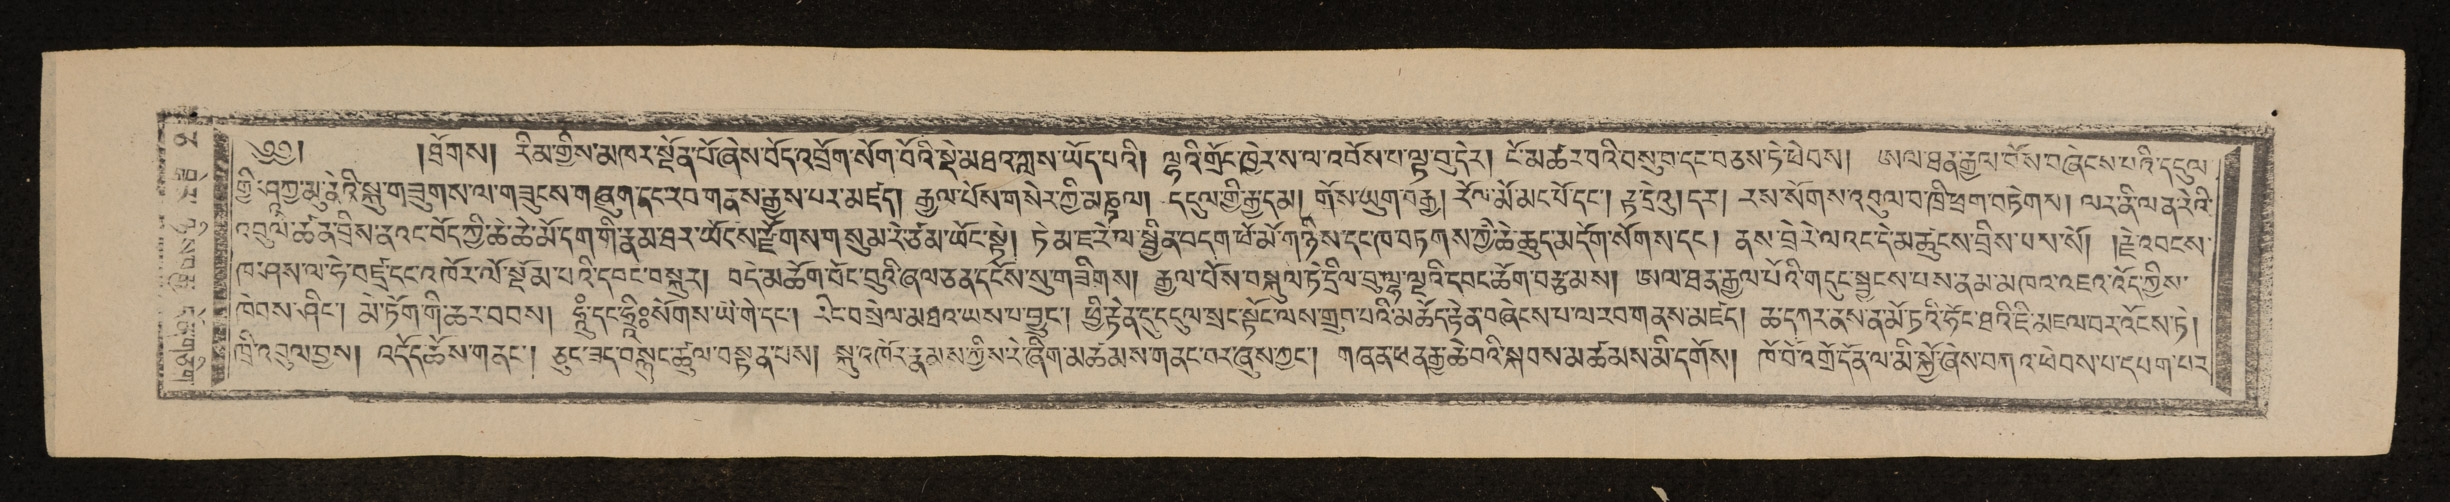༄༅། །ཐོགས། རིམ་གྱིས་མཁར་སྔོན་པོ་ཞེས་བོད་འབྲོག་སོག་པོའི་སྡེ་མཐའ་ཀླས་ཡོད་པའི། ལྷའི་གྲོང་ཁྱེར་ས་ལ་འཕོས་པ་ལྟ་བུ་དེར། ངོ་མཚར་བའི་བསུ་བ་དང་བཅས་ཏེ་ཕེབས། ཨལ་ཐན་རྒྱལ་པོས་བཞེངས་པའི་དངུལ་
གྱི་ཤཱཀྱ་མུ་ནེའི་སྐུ་གཟུགས་ལ་གཟུངས་གཞུག་དང་རབ་གནས་རྒྱས་པར་མཛད། རྒྱལ་པོས་གསེར་གྱི་མཎྜལ། དངུལ་གྱི་རྒྱ་དམ། གོས་ཡུག་བརྒྱ། རོལ་མོ་མང་པོ་དང་། རྟ་དྲེའུ། དར། རས་སོགས་འབུལ་བ་ཁྲི་ཕྲག་བཏེགས། ལར་ནི་ལན་རེའི་
འབུལ་ཚན་བྲིས་ནའང་བོད་ཀྱི་ཆེ་ཆེ་མོ་དག་གི་རྣམ་ཐར་ཡོངས་རྫོགས་གསུམ་རེ་ཙམ་ཡོང་སྟེ། ཏེམ་ཇ་རེ་ལ་སྦྱིན་བདག་ཕོ་མོ་གཉིས་དང་ཁ་བཏགས་ཀྱི་ཆེ་ཆུང་མདོག་སོགས་དང་། ནས་བྲེ་རེ་ལའང་དེ་མཚུངས་བྲིས་པས་སོ། །རྗེ་འབངས་
ཁ་ཤས་ལ་ཧེ་བཛྲ་དང་འཁོར་ལོ་སྡོམ་པའི་དབང་བསྐུར། བདེ་མཆོག་བོང་བུའི་ཞལ་ཅན་དངོས་སུ་གཟིགས། རྒྱལ་པོས་བསྐུལ་ཏེ་དྲིལ་བུ་ལྷ་ལྔའི་དབང་ཆོག་བརྩམས། ཨལ་ཐན་རྒྱལ་པོའི་གདུང་སྦྱངས་པས་ནམ་མཁའ་འཇའ་འོད་ཀྱིས་
ཁེབས་ཤིང་། མེ་ཏོག་གི་ཆར་བབས། ཧཱུཾ་དང་ཧྲཱིཿསོགས་ཡི་གེ་དང་། རིང་བསྲེལ་མཐའ་ཡས་པ་བྱུང་། ཕྱི་རྟེན་དུ་དངུལ་སྲང་སྟོང་ལས་གྲུབ་པའི་མཆོད་རྟེན་བཞེངས་པ་ལ་རབ་གནས་མཛད། ཆ་དཀར་ནས་ན་མོ་ཏའི་ཧོང་ཐའི་ཇི་མཇལ་བར་འོངས་ཏེ།
ཁྲི་འབུལ་བྱས། འདོད་ཆོས་གནང་། ཅུང་ཟད་བསྙུང་ཚུལ་བསྟན་པས། སྐུ་འཁོར་རྣམས་ཀྱིས་རེ་ཞིག་མཚམས་གནང་བར་ཞུས་ཀྱང་། གཞན་ཕན་རྒྱ་ཆེ་བའི་སྐབས་མཚམས་མི་དགོས། ཁོ་བོ་འགྲོ་དོན་ལ་མི་སྐྱོ་ཞེས་བཀའ་ཕེབས་པ་དཔག་པར་